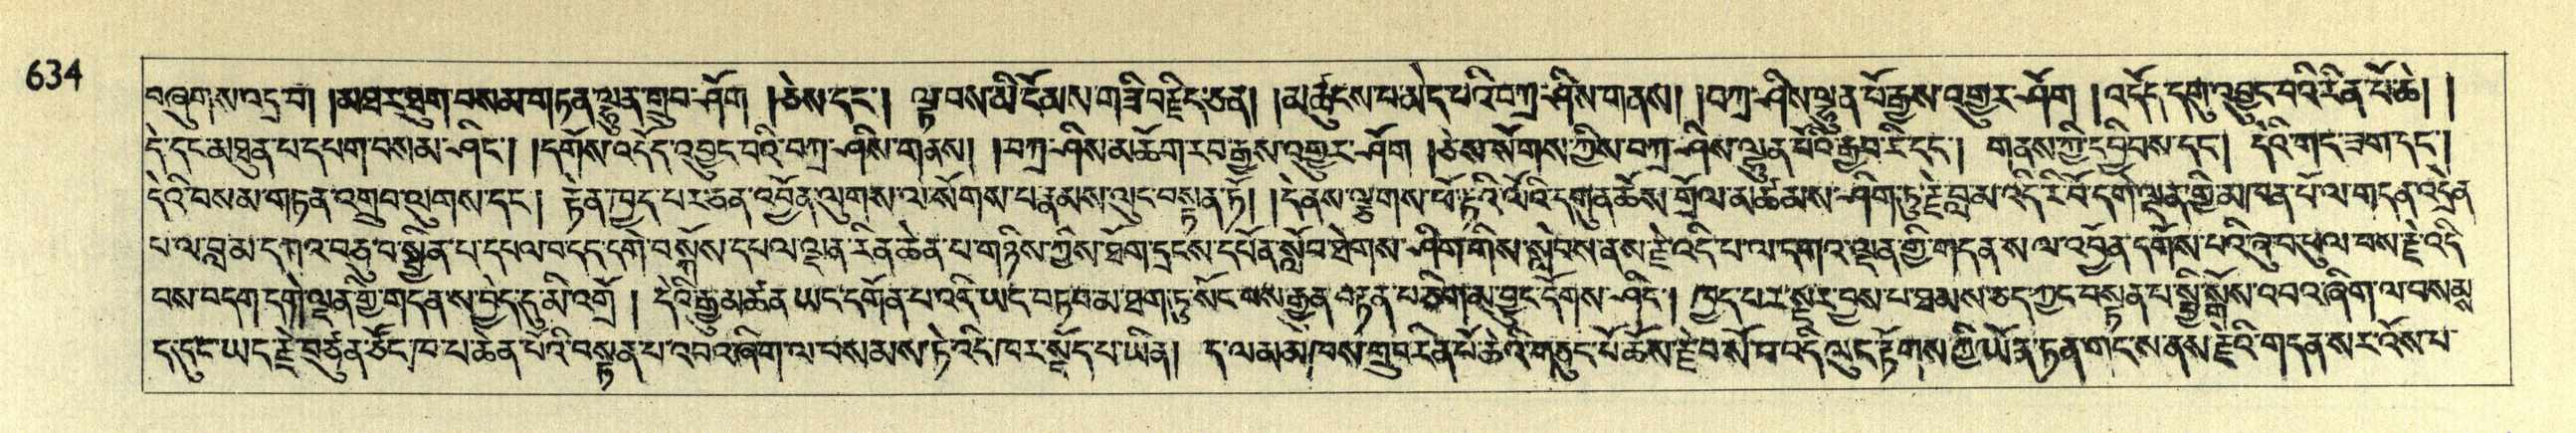བཞུགས་འདྲ་བ། །མཐར་ཐུག་བསམ་གཏན་ལྷུན་གྲུབ་ཤོག །ཅེས་དང་། ལྟ་བས་མི་ངོམས་གཟི་བརྗིད་ཅན། །མཚུངས་པ་མེད་པའི་བཀྲ་ཤིས་གནས། །བཀྲ་ཤིས་ལྷུན་པོ་རྒྱས་འགྱུར་ཤོག །འདོད་དགུ་འབྱུང་བའི་རིན་པོ་ཆེ། །
དེ་དང་མཐུན་པ་དཔག་བསམ་ཤིང་། །དགོས་འདོད་འབྱུང་བའི་བཀྲ་ཤིས་གནས། །བཀྲ་ཤིས་མཆོག་རབ་རྒྱས་འགྱུར་ཤོག །ཅེས་སོགས་ཀྱིས་བཀྲ་ཤིས་ལྷུན་པོའི་རྒྱབ་རི་དང་། གནས་ཀྱི་དབྱིབས་དང་། དེའི་གང་ཟག་དང་།
དེའི་བསམ་གཏན་འགྲུབ་ལུགས་དང་། རྟེན་ཁྱད་པར་ཅན་འབྱོན་ལུགས་ལ་སོགས་པ་རྣམས་ལུང་བསྟན་ཏོ། །དེ་ནས་ལྕགས་ཕོ་རྟའི་ལོའི་དགུན་ཆོས་གྲོལ་མཚམས་ཤིག་ཏུ་རྗེ་བླ་མ་འདི་རི་བོ་དགེ་ལྡན་གྱི་མཁན་པོ་ལ་གདན་འདྲེན་
པ་ལ་བླ་མ་དཀའ་བཅུ་བ་སྦྱིན་པ་དཔལ་བ་དང་དགེ་བསྐོས་དཔལ་ལྡན་རིན་ཆེན་པ་གཉིས་ཀྱིས་ཐོག་དྲངས་དཔོན་སློབ་ཐེགས་ཤིག་གིས་སླེབས་ནས་རྗེ་འདི་པ་ལ་དགའ་ལྡན་གྱི་གདན་ས་ལ་འབྱོན་དགོས་པའི་ཞུ་བ་ཕུལ་བས་རྗེ་འདི་
བས་བདག་དགེ་ལྡན་གྱི་གདན་ས་བྱེད་དུ་མི་འགྲོ་།དེའི་རྒྱུ་མཚན་ཡང་དགོན་པ་འདི་ཡང་བཏབ་མ་ཐག་ཏུ་སོང་བས་རྒྱུན་བརྟག་པ་ཅིག་མ་བྱུང་དོགས་ཤིང་། ཁྱད་པར་སྔར་བྱས་པ་ཐམས་ཅད་ཀྱང་བསྟན་པ་སྤྱི་སྒོས་འབའ་ཞིག་ལ་བསམས་
ད་དུང་ཡང་རྗེ་བཙུན་ཙོང་ཁ་པ་ཆེན་པོའི་བསྟན་པ་འབའ་ཞིག་ལ་བསམས་ཏེ་འདི་ཁར་སྔོད་པ་ཡིན། ད་ལམ་མཁས་གྲུབ་རིན་པོ་ཆེའི་གཅུང་པོ་ཆོས་རྗེ་བསོ་བ་འདི་ལུང་རྟོགས་ཀྱི་ཡོན་ཏན་གང་ས་ནས་རྗེའི་གདན་སར་འོས་པ་